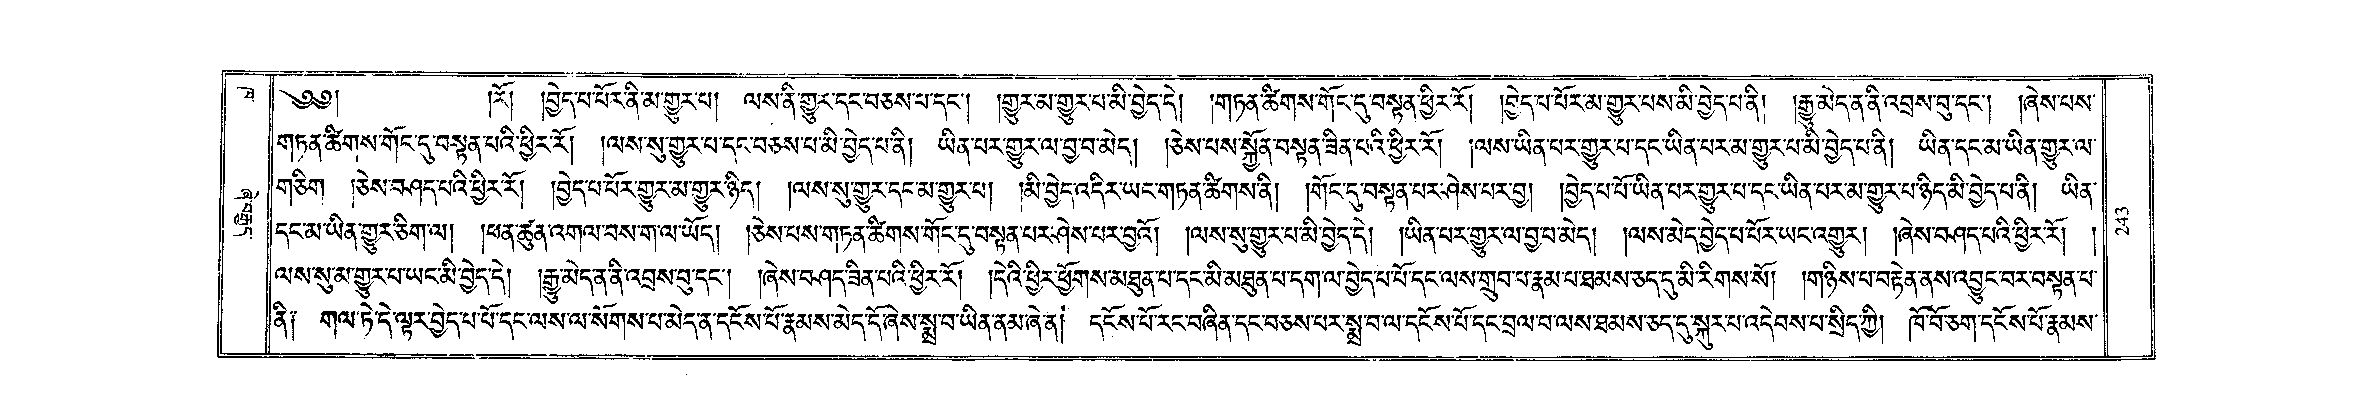༄༅། །རོ། །བྱེད་པ་པོར་ནི་མ་གྱུར་པ། ལས་ནི་གྱུར་དང་བཅས་པ་དང་། །གྱུར་མ་གྱུར་པ་མི་བྱེད་དེ། །གཏན་ཚིགས་གོང་དུ་བསྟན་ཕྱིར་རོ། །བྱེད་པ་པོར་མ་གྱུར་པས་མི་བྱེད་པ་ནི། །རྒྱུ་མེད་ན་ནི་འབྲས་བུ་དང་། །ཞེས་པས་
གཏན་ཚིགས་གོང་དུ་བསྟན་པའི་ཕྱིར་རོ། །ལས་སུ་གྱུར་པ་དང་བཅས་པ་མི་བྱེད་པ་ནི། ཡིན་པར་གྱུར་ལ་བྱ་བ་མེད། །ཅེས་པས་སྐྱོན་བསྟན་ཟིན་པའི་ཕྱིར་རོ། །ལས་ཡིན་པར་གྱུར་པ་དང་ཡིན་པར་མ་གྱུར་པ་མི་བྱེད་པ་ནི། ཡིན་དང་མ་ཡིན་གྱུར་ལ་
གཅིག །ཅེས་བཤད་པའི་ཕྱིར་རོ། །བྱེད་པ་པོར་གྱུར་མ་གྱུར་ཉིད། །ལས་སུ་གྱུར་དང་མ་གྱུར་པ། །མི་བྱེད་འདིར་ཡང་གཏན་ཚིགས་ནི། །གོང་དུ་བསྟན་པར་ཤེས་པར་བྱ། །བྱེད་པ་པོ་ཡིན་པར་གྱུར་པ་དང་ཡིན་པར་མ་གྱུར་པ་ཉིད་མི་བྱེད་པ་ནི། ཡིན་
དང་མ་ཡིན་གྱུར་ཅིག་ལ། །ཕན་ཚུན་འགལ་བས་ག་ལ་ཡོད། །ཅེས་པས་གཏན་ཚིགས་གོང་དུ་བསྟན་པར་ཤེས་པར་བྱའོ། །ལས་སུ་གྱུར་པ་མི་བྱེད་དེ། །ཡིན་པར་གྱུར་ལ་བྱ་བ་མེད། །ལས་མེད་བྱེད་པ་པོར་ཡང་འགྱུར། །ཞེས་བཤད་པའི་ཕྱིར་རོ། །
ལས་སུ་མ་གྱུར་པ་ཡང་མི་བྱེད་དེ། །རྒྱུ་མེད་ན་ནི་འབྲས་བུ་དང་། །ཞེས་བཤད་ཟིན་པའི་ཕྱིར་རོ། །དེའི་ཕྱིར་ཕྱོགས་མཐུན་པ་དང་མི་མཐུན་པ་དག་ལ་བྱེད་པ་པོ་དང་ལས་གྲུབ་པ་རྣམ་པ་ཐམས་ཅད་དུ་མི་རིགས་སོ། །གཉིས་པ་བརྟེན་ནས་འབྱུང་བར་བསྟན་པ་
ནི༑ གལ་ཏེ་དེ་ལྟར་བྱེད་པ་པོ་དང་ལས་ལ་སོགས་པ་མེད་ན་དངོས་པོ་རྣམས་མེད་དོ་ཞེས་སྨྲ་བ་ཡིན་ནམ་ཞེ་ན། དངོས་པོ་རང་བཞིན་དང་བཅས་པར་སྨྲ་བ་ལ་དངོས་པོ་དང་བྲལ་བ་ལས་ཐམས་ཅད་དུ་སྐུར་པ་འདེབས་པ་སྲིད་ཀྱི། ཁོ་བོ་ཅག་དངོས་པོ་རྣམས་